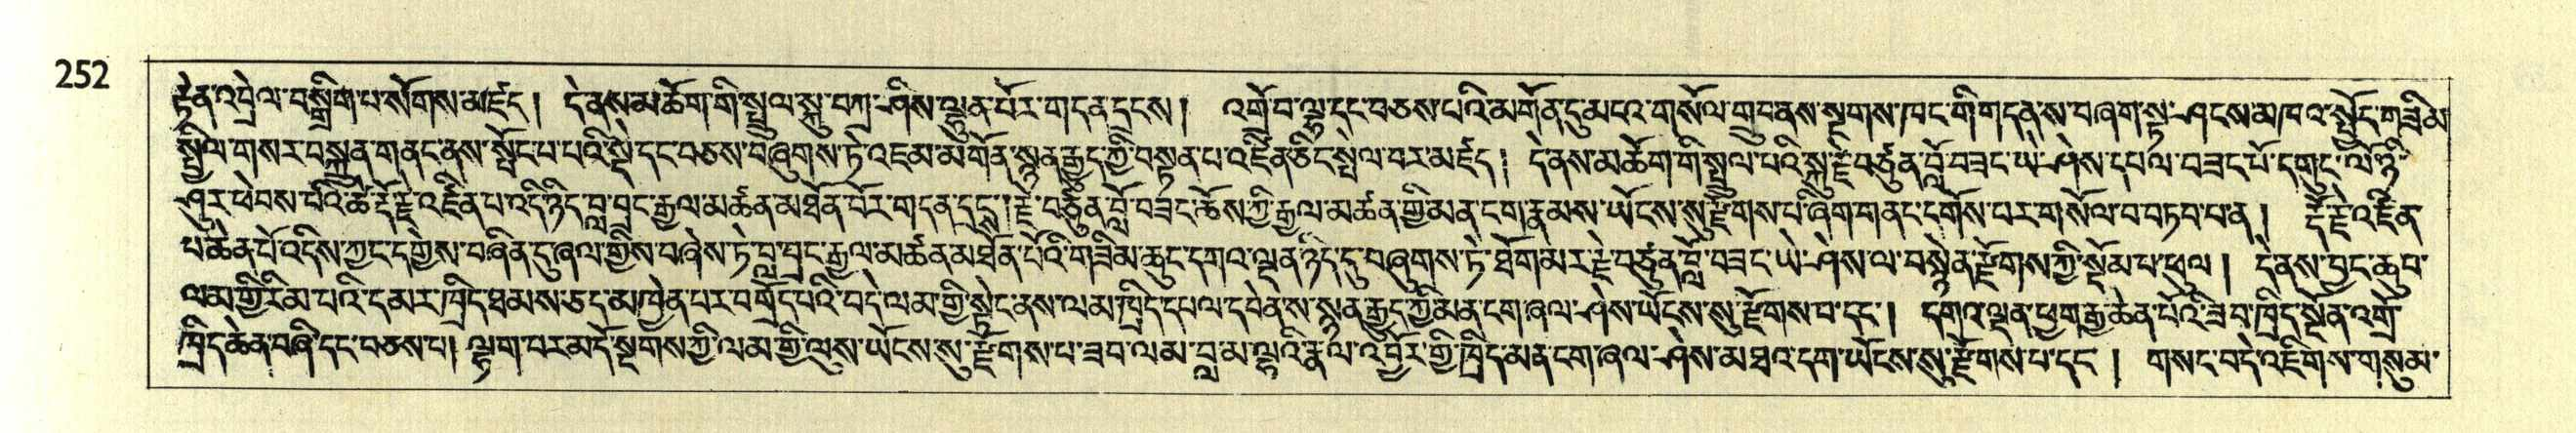རྟེན་འབྲེལ་བསྒྲིག་པ་སོགས་མཛད། དེ་ནས་མཆོག་གི་སྤྲུལ་སྐུ་བཀྲ་ཤིས་ལྷུན་པོར་གདན་དྲངས། འགྲོ་བ་ལྷ་དང་བཅས་པའི་མགོན་དུ་མངའ་གསོལ་གྲུབ་ནས་སྔགས་ཁང་གི་གདན་ས་བཞག་སྟེ་ཤངས་མཁའ་སྤྱོད་གཟིམ་
སྤྱི་ལ་གསར་བསྐྲུན་གནང་ནས་སྤོང་པ་པའི་སྡེ་དང་བཅས་བཞུགས་ཏེ་འཇམ་མགོན་སྙན་རྒྱུད་ཀྱི་བསྟན་པ་འཛིན་ཅིང་སྤེལ་བར་མཛད། དེ་ནས་མཆོག་གི་སྤྲུལ་པའི་སྐུ་རྗེ་བཙུན་བློ་བཟང་ཡེ་ཤེས་དཔལ་བཟང་པོ་གུང་ལོ་ཉི་
ཤུར་ཕེབས་པའི་ཚེ་རྡོ་རྗེ་འཛིན་པ་འདི་ཉིད་བླ་བྲང་རྒྱལ་མཚན་མཐོན་པོར་གདན་དྲངས། རྗེ་བཙུན་བློ་བཟང་ཆོས་ཀྱི་རྒྱལ་མཚན་གྱི་མན་ངག་རྣམས་ཡོངས་སུ་རྫོགས་པ་ཞིག་གནང་དགོས་པར་གསོལ་བ་བཏབ་པ་ན། རྡོ་རྗེ་འཛིན་
པ་ཆེན་པོ་འདིས་ཀྱང་དགྱེས་བཞིན་དུ་ཞལ་གྱིས་བཞེས་ཏེ་བླ་བྲང་རྒྱལ་མཚན་མཐོན་པོའི་གཟིམ་ཆུང་དགའ་ལྡན་ཉིད་དུ་བཞུགས་ཏེ་ཐོག་མར་རྗེ་བཙུན་བློ་བཟང་ཡེ་ཤེས་ལ་བསྙེན་རྫོགས་ཀྱི་སྡོམ་པ་ཕུལ། དེ་ནས་བྱང་ཆུབ་
ལམ་གྱི་རིམ་པའི་དམར་ཁྲིད་ཐམས་ཅད་མཁྱེན་པར་བགྲོད་པའི་བདེ་ལམ་གྱི་སྟེང་ནས་ལམ་ཁྲིད་དཔལ་དབེན་ས་སྙན་རྒྱུད་ཀྱི་མན་ངག་ཞལ་ཤེས་ཡོངས་སུ་རྫོགས་པ་དང་། དགའ་ལྡན་ཕྱག་རྒྱ་ཆེན་པོའི་ཟབ་ཁྲིད་སྔོན་འགྲོ་
ཁྲིད་ཆེན་བཞི་དང་བཅས་པ། ལྷག་པར་མདོ་སྔགས་ཀྱི་ལམ་གྱི་ལུས་ཡོངས་སུ་རྫོགས་པ་ཟབ་ལམ་བླ་མ་ལྷའི་རྣལ་འབྱོར་གྱི་ཁྲིད་མན་ངག་ཞལ་ཤེས་མཐའ་དག་ཡོངས་སུ་རྫོགས་པ་དང་། གསང་བདེ་འཇིགས་གསུམ་